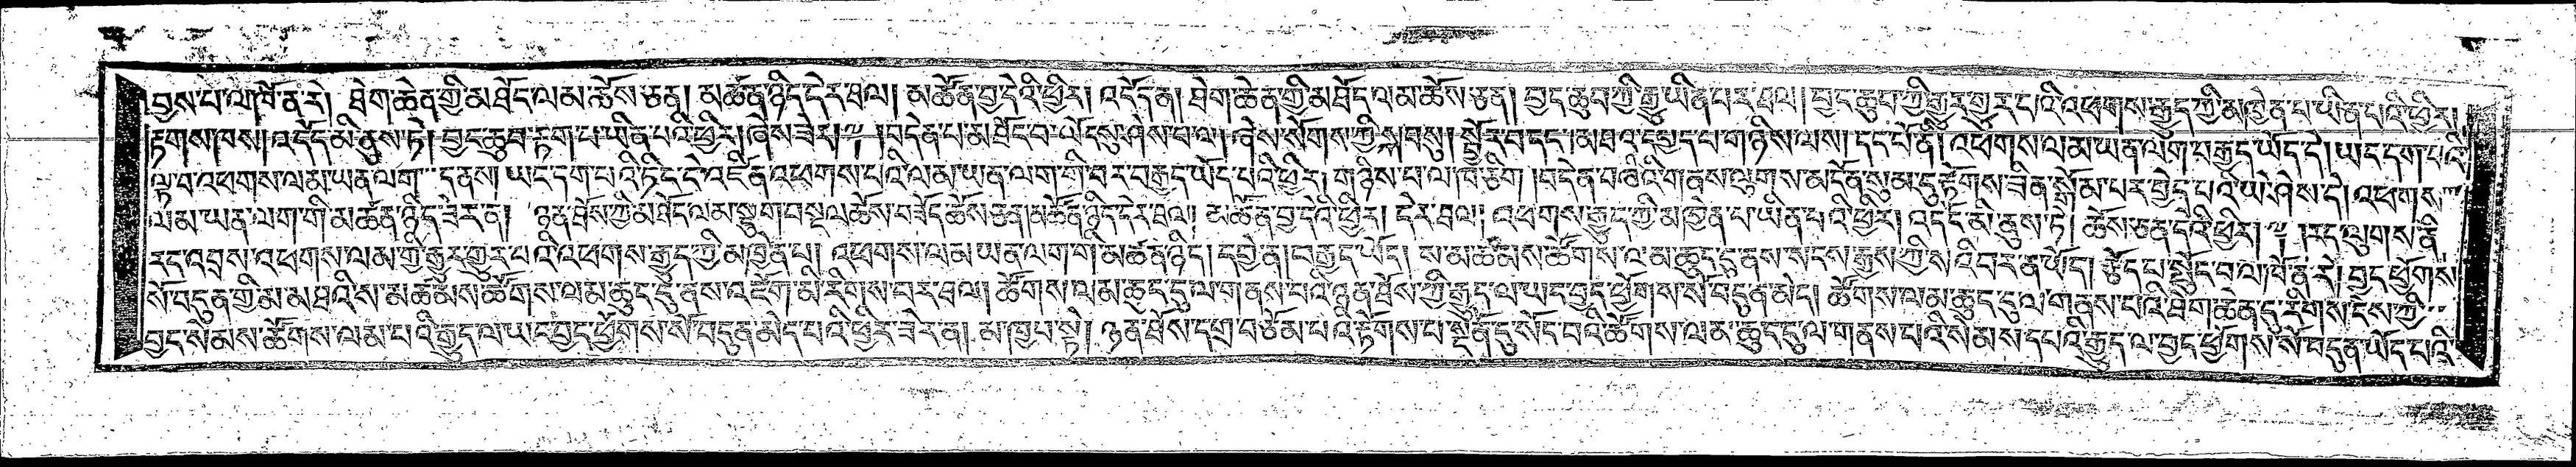བྱས་པ་ལ་ཁོ་ན་རེ། ཐེག་ཆེན་གྱི་མཐོང་ལམ་ཆོས་ཅན། མཚན་ཉིད་དེར་ཐལ། མཚོན་བྱ་དེའི་ཕྱིར། འདོད་ན། ཐེག་ཆེན་གྱི་མཐོང་ལམ་ཆོས་ཅན། བྱང་ཆུབ་ཀྱི་རྒྱུ་ཡིན་པར་ཐལ། བྱང་ཆུབ་ཀྱི་རྒྱུར་གྱུར་པའི་འཕགས་རྒྱུད་ཀྱི་མཁྱེན་པ་ཡིན་པའི་ཕྱིར།
རྟགས་ཁས། འདོད་མི་ནུས་ཏེ། བྱང་ཆུབ་རྟག་པ་ཡིན་པའི་ཕྱིར། ཞེས་ཟེར། ༈ །བདེན་པ་མཐོང་བ་ཡོངས་སུ་ཤེས་པ་ལ། ཞེས་སོགས་ཀྱི་སྐབས་སུ། སྦྱོར་བ་དང་། མཐའ་དཔྱད་པ་གཉིས་ལས། དང་པོ་ནི། འཕགས་ལམ་ཡན་ལག་བརྒྱད་ཡོད་དེ། ཡང་དག་པའི་
ལྟ་བ་འཕགས་ལམ་ཡན་ལག་ནས། ཡང་དག་པའི་ཏིང་ངེ་འཛིན་འཕགས་པའི་ལམ་ཡན་ལག་གི་བར་བརྒྱད་ཡོད་པའི་ཕྱིར། གཉིས་པ་ལ་ཁ་ཅིག །བདེན་བཞིའི་གནས་ལུགས་མངོན་སུམ་དུ་རྟོགས་ཟིན་སྒོམ་པར་བྱེད་པའི་ཡེ་ཤེས་དེ། འཕགས་
ལམ་ཡན་ལག་གི་མཚན་ཉིད་ཟེར་ན། ཉན་ཐོས་ཀྱི་མཐོང་ལམ་སྡུག་བསྔལ་ཆོས་བཟོད་ཆོས་ཅན། མཚན་ཉིད་དེར་ཐལ། མཚོན་བྱ་དེའི་ཕྱིར། དེར་ཐལ། འཕགས་རྒྱུད་ཀྱི་མཁྱེན་པ་ཡིན་པའི་ཕྱིར། འདོད་མི་ནུས་ཏེ། ཆོས་ཅན་དེའི་ཕྱིར། ༈ །རང་ལུགས་ནི་
རང་འབྲས་འཕགས་ལམ་གྱི་རྒྱུར་གྱུར་པའི་འཕགས་རྒྱུད་ཀྱི་མཁྱེན་པ། འཕགས་ལམ་ཡན་ལག་གི་མཚན་ཉིད། དབྱེ་ན། བརྒྱད་ཡོད། ས་མཚམས་ཚོགས་ལམ་ཆུང་ངུ་ནས་སངས་རྒྱས་ཀྱི་སའི་བར་ན་ཡོད། རྩོད་པ་སྤོང་བ་ལ་ཁོ་ན་རེ། བྱང་ཕྱོགས་
སོ་བདུན་གྱི་མ་མཐའི་ས་མཚམས་ཚོགས་ལམ་ཆུང་ངུ་ནས་འཇོག་མི་རིགས་པར་ཐལ། ཚོགས་ལམ་ཆུང་ངུ་ལ་གནས་པའི་ཉན་ཐོས་ཀྱི་རྒྱུད་ལ་ཡང་བྱང་ཕྱོགས་སོ་བདུན་མེད། ཚོགས་ལམ་ཆུང་ངུ་ལ་གནས་པའི་ཐེག་ཆེན་དུ་རིགས་ངེས་ཀྱི་
བྱང་སེམས་ཚོགས་ལམ་པའི་རྒྱུད་ལ་ཡང་བྱང་ཕྱོགས་སོ་བདུན་མེད་པའི་ཕྱིར་ཟེར་ན། མ་ཁྱབ་སྟེ། ཉན་ཐོས་དགྲ་བཅོམ་པའི་རྟོགས་པ་སྔོན་དུ་སོང་བའི་ཚོགས་ལམ་ཆུང་ངུ་ལ་གནས་པའི་སེམས་དཔའི་རྒྱུད་ལ་བྱང་ཕྱོགས་སོ་བདུན་ཡོད་པའི་